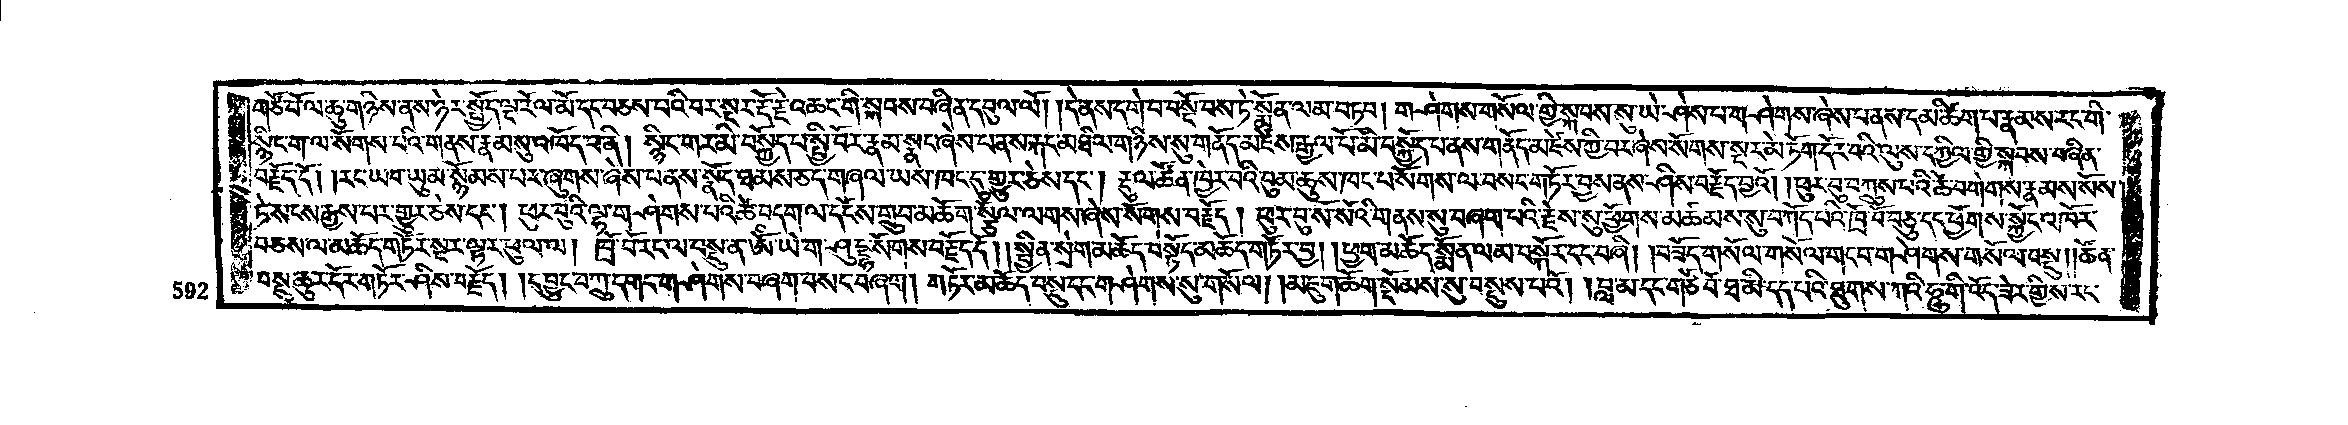གཙོ་བོ་ལ་ཆུ་གཉིས་ནས་ཉེར་སྤྱོད་ལྔ་རོལ་མོ་དང་བཅས་པའི་བར་སྔར་རྡོ་རྗེ་འཆང་གི་སྐབས་བཞིན་དབུལ་ལོ། །དེ་ནས་དགེ་བ་བསྔོ་བས་ཏེ་སྨོན་ལམ་བཏབ། གཤེགས་གསོལ་གྱི་སྐབས་སུ་ཡེ་ཤེས་པ་གཤེགས་ཞེས་པ་ནས་དམ་ཚིག་པ་རྣམས་རང་གི་
སྙིང་ག་ལ་སོགས་པའི་གནས་རྣམས་སུ་འཁོད་པ་ནི། སྙིང་གར་མི་བསྐྱོད་པ་སྤྱི་བོར་རྣམ་སྣང་ཞེས་པ་ནས་རྐང་མཐིལ་གཉིས་སུ་གནོད་མཛེས་རྒྱལ་པོ་མི་བསྐྱོད་པ་ནས་གནོད་མཛེས་ཀྱི་བར་ཞེས་སོགས་སྔར་མེ་ཏོག་དོར་བའི་ལུས་དཀྱིལ་གྱི་སྐབས་བཞིན་
བརྗོད་དོ། །རང་ཡབ་ཡུམ་སྙོམས་པར་ཞུགས་ཞེས་པ་ནས་སྣོད་ཐམས་ཅད་གཞལ་ཡས་ཁང་དུ་གྱུར་ཅེས་དང་། རྡུལ་ཚོན་ཁྱེར་བའི་བུམ་ཆུས་ཁང་པ་སོགས་ལ་བསང་གཏོར་བྱས་ནས་ཤིས་བརྗོད་བྱའོ། །ཕུར་བུ་བཀྲུས་པའི་ཚེ་བགེགས་རྣམས་སོས་
ཏེ་སངས་རྒྱས་པར་གྱུར་ཅེས་དང་། ཕུར་བུའི་ལྷ་གཤེགས་པའི་ཚེ་བདག་ལ་དངོས་གྲུབ་མཆོག་སྩོལ་ལགས་ཞེས་སོགས་བརྗོད། ཕུར་བུ་སོ་སོའི་གནས་སུ་བཞག་པའི་རྗེས་སུ་ཕྱོགས་མཚམས་སུ་བཀོད་པའི་ཁྲོ་བོ་བཅུ་དང་ཕྱོགས་སྐྱོང་འཁོར་
བཅས་ལ་མཆོད་གཏོར་སྔར་ལྟར་ཕུལ་ལ། ཁྲོ་བོ་རང་ལ་བསྡུ་ན་ཨོཾ་ཡི་ག་ཤུདྡྷ་སོགས་བརྗོད་དེ། །སྦྱིན་སྲེག་མཆོད་བསྟོད་མཆོད་གཏོར་བྱ། །ཕྱག་མཆོད་སྨོན་ལམ་བསྐོར་དང་བཞི། །བཟོད་གསོལ་གསོལ་གདབ་གཤེགས་གསོལ་བསྡུ། །ཚོན་
བསྡུ་ཆུ་དོར་གཏོར་ཤིས་བརྗོད། །དབྱུང་བཀྐྲུ་དགང་གཤེགས་བཞག་བསང་བཞག །གཏོར་མཆོད་བསྡུ་དང་གཤེགས་སུ་གསོལ། །མཇུག་ཆོག་སྡོམས་སུ་བསྡུས་པའོ། །བླ་མ་དང་གཙོ་བོ་ཐ་མི་དད་པའི་ཐུགས་ཀའི་ཧཱུཾ་གི་འོད་ཟེར་གྱིས་རང་